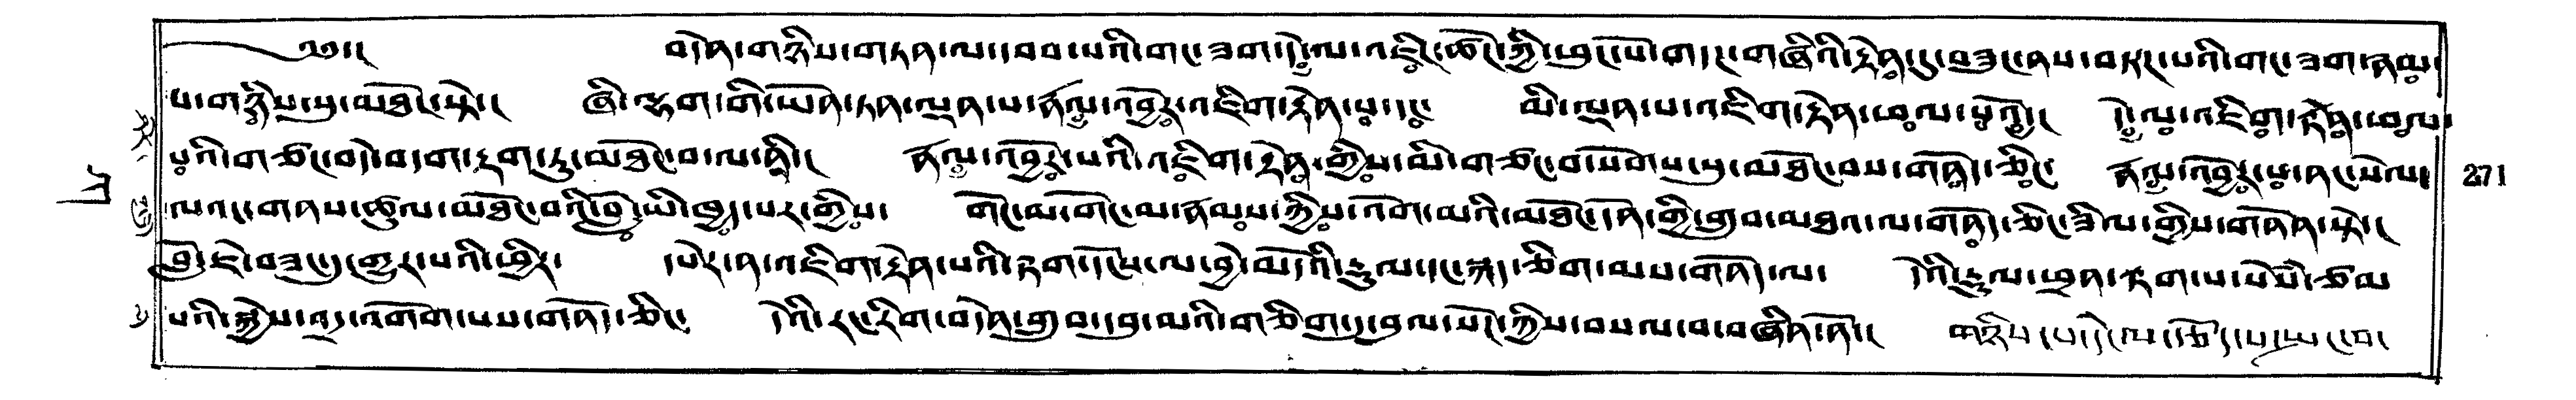བདེན་གཉིས་གཏན་ལ་དབབ་པའི་གང་ཟག་དེ་ལ་འཇིག་ཚོགས་ཀྱི་ཕུང་པོ་གདགས་གཞིའི་རྟེན་དུ་བཟུང་ནས་བཏགས་པའི་གང་ཟག་རྣམ་
པ་གཉིས་སུ་མཐོང་སྟེ།ཞི་ལྷག་གི་ཡོན་ཏན་ལྡན་པ་རྣལ་འབྱོར་འཇིག་རྟེན་པ་དང་། མི་ལྡན་པ་འཇིག་རྟེན་ཕལ་པའོ། དེ་ལ་འཇིག་རྟེན་ཕལ་
པའི་གཙང་བདེ་རྟག་བདག་ཏུ་མཐོང་བ་ལ་ནི། རྣལ་འབྱོར་པའི་འཇིག་རྟེན་གྱིས་མི་གཙང་བ་སོགས་སུ་མཐོང་བས་གནོད་ཅིང་། རྣལ་འབྱོར་པ་ནང་གསེས་
ལའང་གནས་ཚུལ་མཐོང་བའི་བློའི་ཁྱད་པར་གྱིས། གོང་མ་གོང་མ་རྣམས་ཀྱིས་འོག་མའི་མཐོང་དོན་གྱི་གྲུབ་མཐའ་ལ་གནོད་ཅིང་ཟིལ་གྱིས་གནོན་སྟེ། 
བློ་ཇེ་བཟང་དུ་གྱུར་པའི་ཕྱིར། དཔེར་ན་འཇིག་རྟེན་པའི་རྟག་དངོས་ལ་བྱེ་མདོའི་རྡུལ་དང་སྐད་ཅིག་མས་གནོད་ལ། དེའི་རྡུལ་ཕྲན་རྟག་པར་སེམས་ཙམ་
པའི་སྐྱེས་འདྲ་འགོག་པས་གནོད་ཅིང་། དེའི་རང་རིག་བདེན་གྲུབ་དབུ་མའི་གཅིག་དུ་བྲལ་སོགས་ཀྱིས་བསལ་བ་བཞིན་ནོ། གཉིས་པ་དེ་ལ་རྩོད་པ་སྤོང་བ་